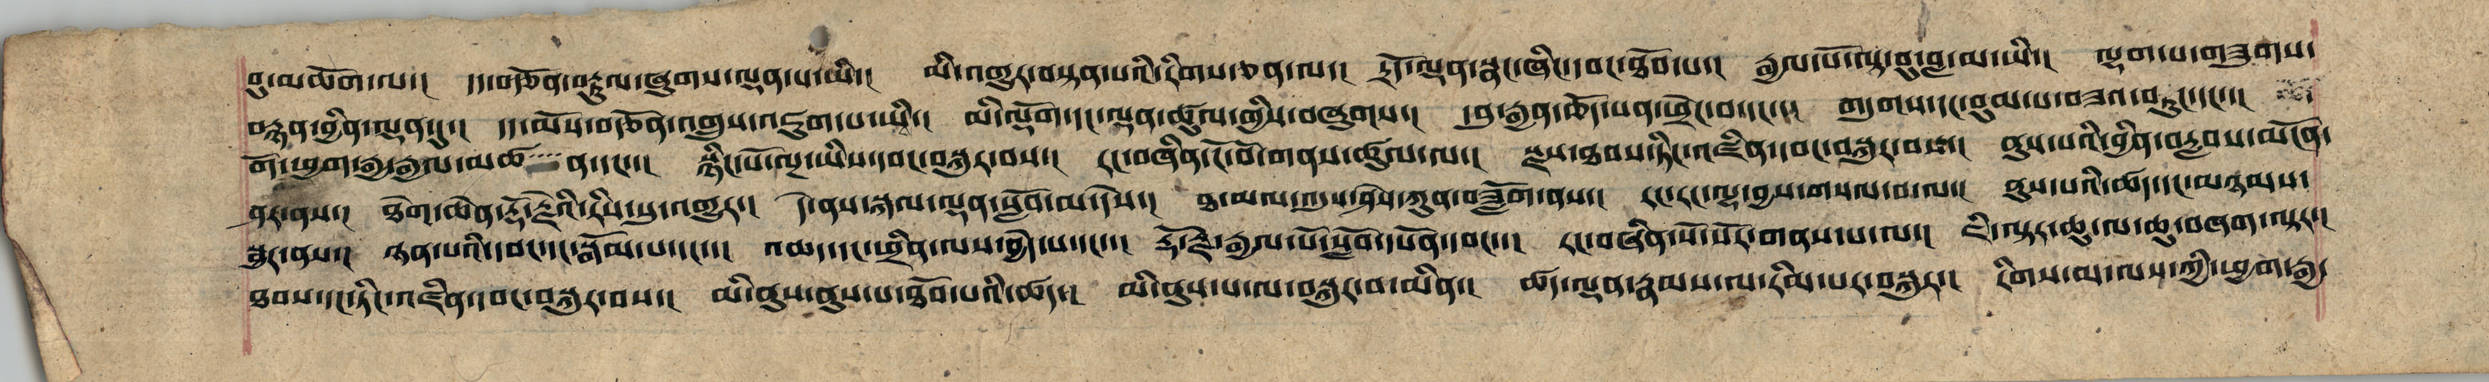བུ་མཆོག་ལ་། དད་བརྩོན་བརྟུལ་ཞུགས་ལྡན་པ་ཡི་། མི་འགྱུར་བསྟན་པའི་རིགས་ཅན་ལ་། དྲོད་ལྡན་སྣང་ཞིང་དབང་ཐོབ་པ་། རྒྱལ་པོ་ལྟ་བུ་བླ་མ་ཡི་། ལྷག་པ་གཟུགས་
བརྙན་བྱིན་ལྡན་དུ་། དད་མོས་བརྩོན་འགྲུས་འཇུག་པ་ཡི་། མི་ལྡོག་དང་ལྡན་ཚུལ་གྱིས་བཞུགས་། དབུ་རྒྱན་ཆོད་པན་ཕྲེང་བ་དང་་། གདུགས་དང་བུམ་པ་བཟའ་བཏུང་དང་་།
གོ་ཕྱག་རྒྱ་རྒྱལ་མཚ་་་་ནདང་་། སྙིང་པོ་ལྔ་ཡིས་དབང་བསྐུར་བས་། རང་བཞིན་ངོ་བོ་གནས་ཚུལ་ལ་། སྫས་ཐབས་ཏིང་འཛིན་དབང་བསྐུར་བས་། ནུས་པའི་བྱིན་བརླབས་མངོན་
ཤར་ནས་། ཐེག་ཆེན་རྡོ་རྗེའི་རིས་སུ་འགྱུར་། དེ་ནས་སྐལ་ལྡན་སློབ་མ་དེས་། ཐ་མལ་འདུས་ཤེས་ཀུན་བཟློག་ནས་། རང་རང་ལྷ་བྱས་གསལ་བ་ལ་། ནུས་པའི་ཚད་དང་མཉམས་
སྦྱར་ནས་། ཉན་པའི་དབང་དང་སྒོམ་པ་དང་་། འཆད་དང་ཕྲིན་ལས་བྱེད་པ་དང་་། རྡོ་རྗེ་རྒྱལ་པོ་སློབ་དཔོན་དབང་་། རང་བཞིན་སོ་སོར་གནས་པ་ལ་། ཇི་ལྟར་ཆུ་ལ་ཆུ་བཞག་ལྟར་།
ཐབས་དང་ཏིང་འཛིན་དབང་བསྐུར་བས་། མི་ནུས་ནུས་པ་ཐོབ་པའི་ཚད་། མི་ནུས་པ་ལ་བསྐུར་བ་མིན་། ཚད་ལྡན་རྣམས་ལ་རིམ་པར་བསྐུར་། རིགས་མ་ལས་ཀྱི་ཕྱག་རྒྱ་